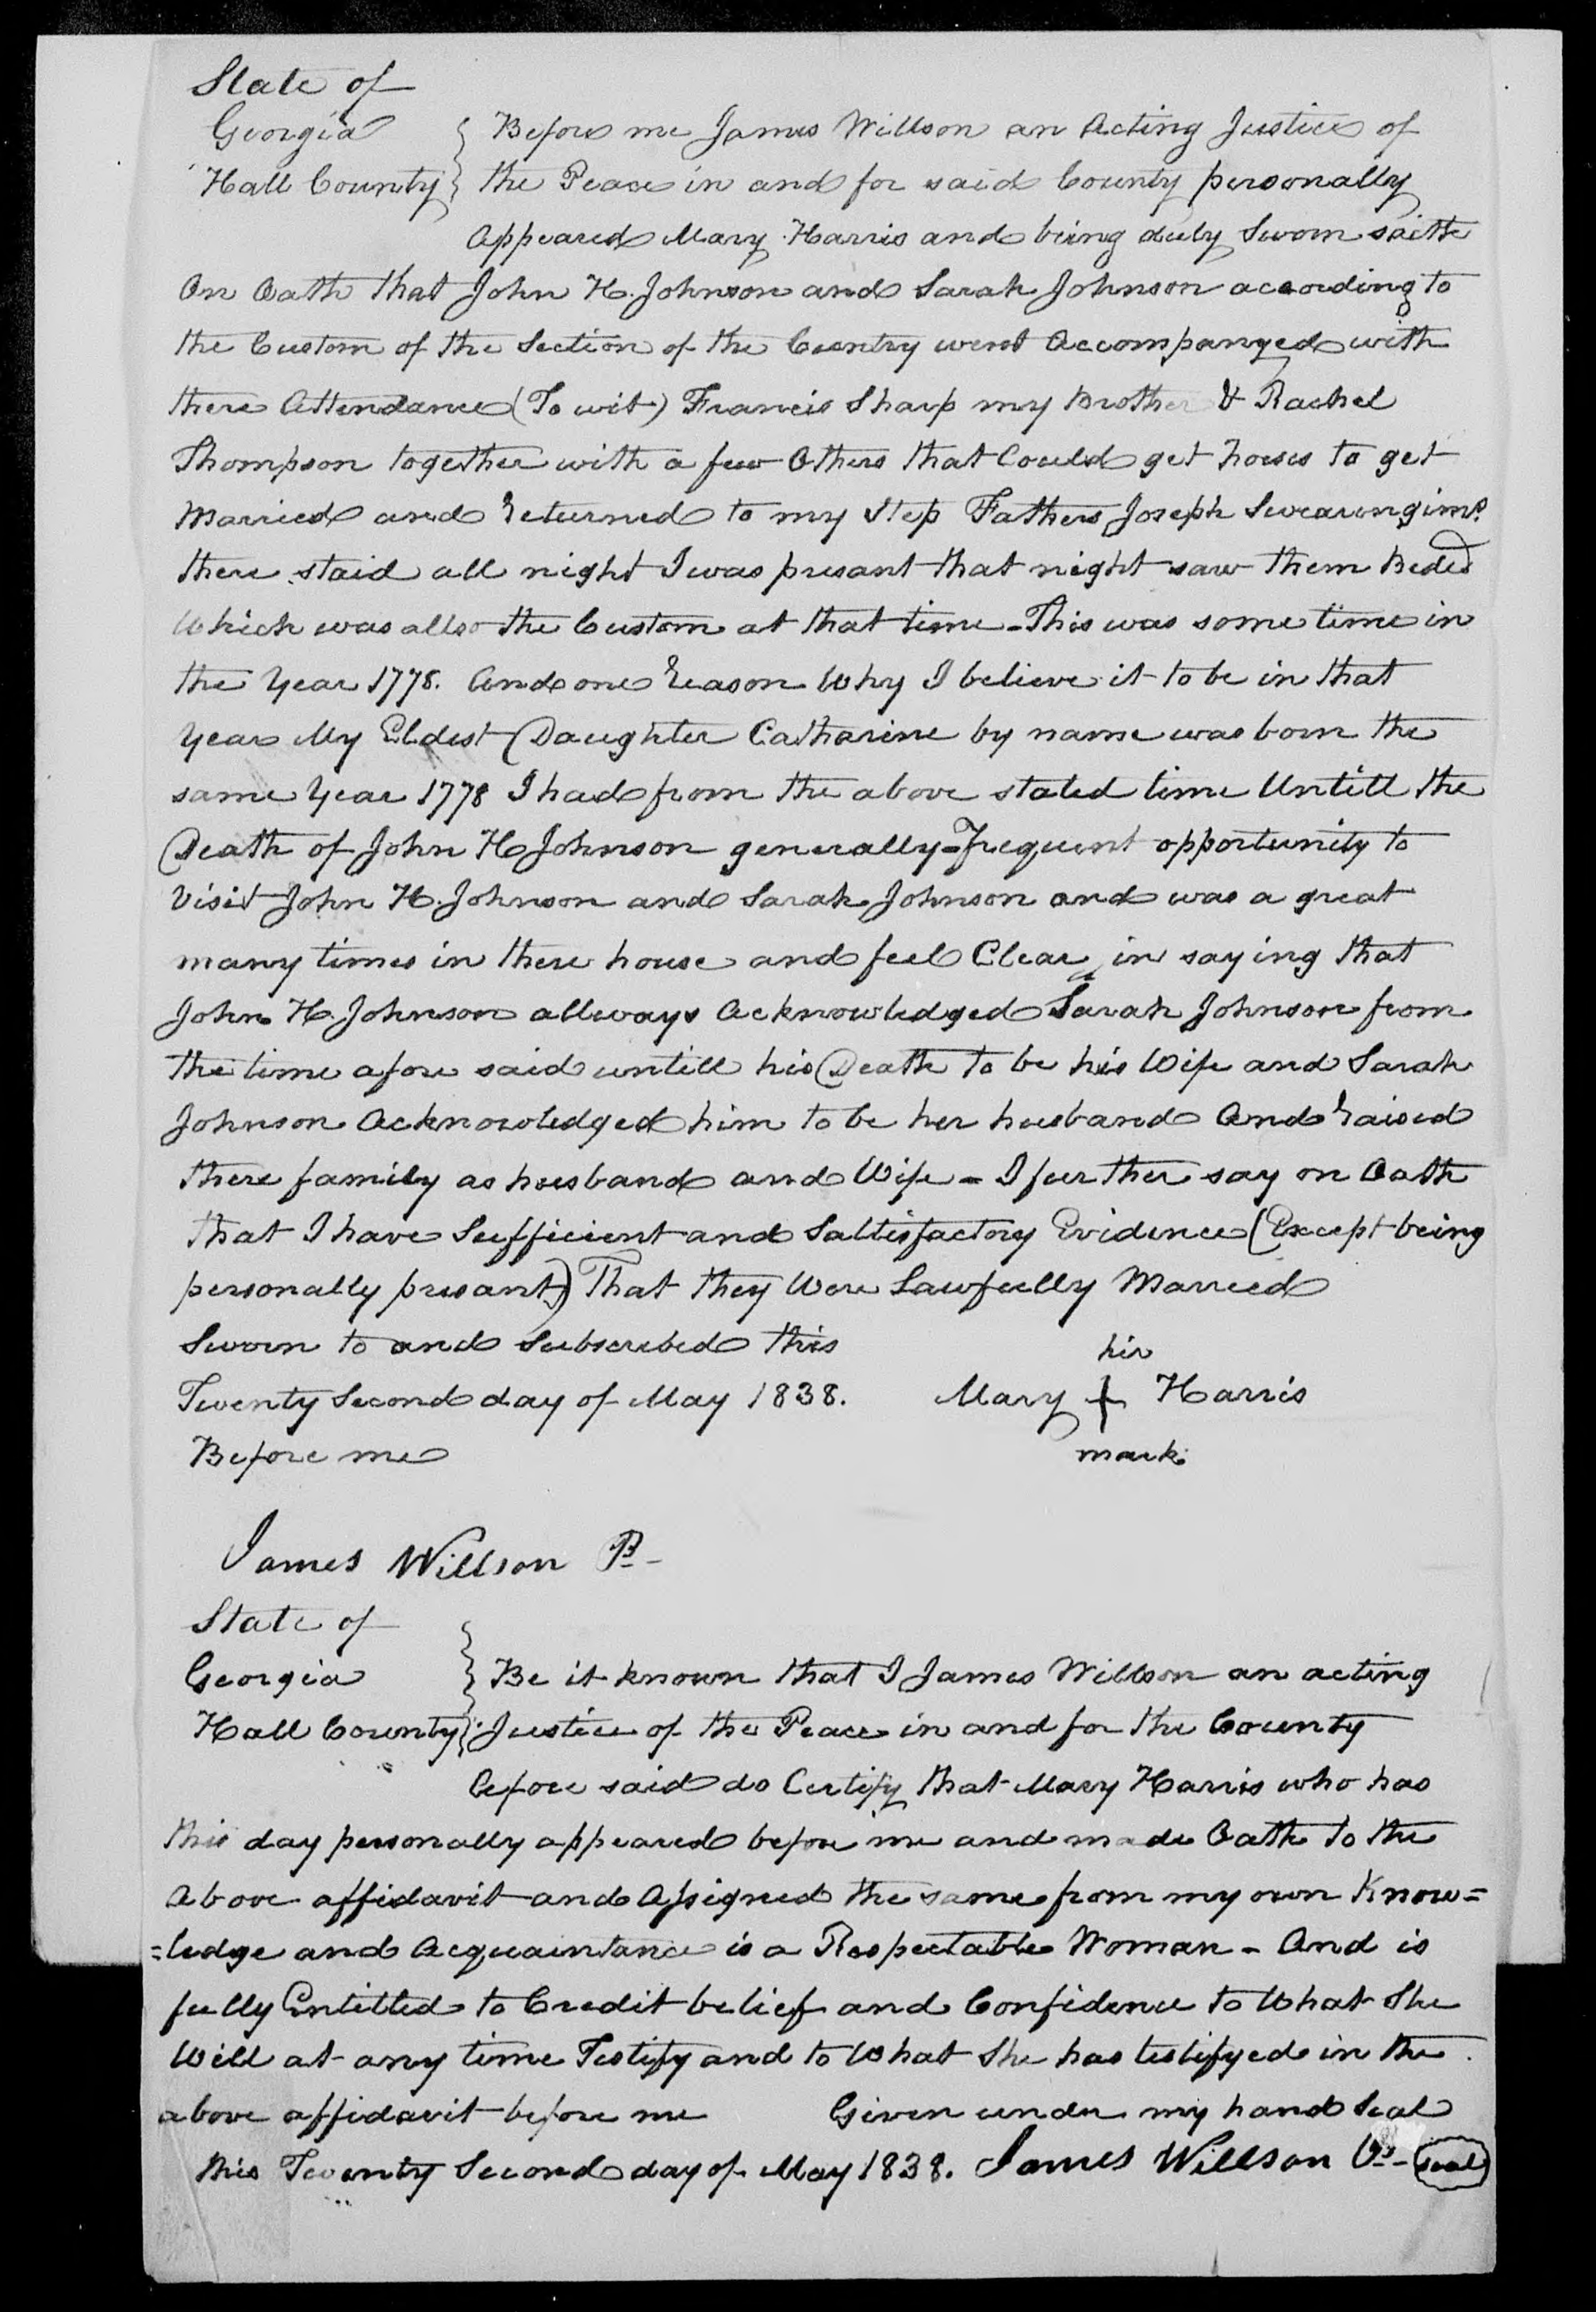State of Georgia }
Hall County }
Before me James Willson an Acting Justice of the Peace in and for said County personally appeared Mary Harris and being duly sworn saith on oath that John H. Johnson and Sarah Johnson according to the Custom of the Section of the Country went Accompanyed [sic] with there Attendance (To wit) Francis Sharp my Brother & Rachel Thompson together with a few others that could get horses to get married and returned to my Step Fathers Joseph Swearingimp. there staid [sic] all night I was present that night saw them Beded [sic; bedded] which was allso [sic] the Custom at that time. This was some time in the year 1778. And one reason why I believe it to be in that year My Eldest Daughter Catharine by name was born the same year 1778 I had from the above stated time Untill [sic] the Death of John H Johnson generally. Frequent opportunity to visit John H Johnson and Sarah Johnson and was a great many times in there house and feel Clear in saying that John H Johnson allways [sic] acknowledged Sarah Johnson from the time afore said untill his Death to be his Wife and Sarah Johnson Acknowledged him to be her husband and raised there family as husband and Wife. I further say on oath that I have sufficient and Sattisfactory Evidence (Except being personally present) That they were Lawfully Married
Sworn to and Subscribed this Twenty Second day of May 1838. Before me
S/James Willson [illegible initial]
Mary [+ her mark] Harris


State of Georgia }
Hall County }
Be it known that I James Willson an acting Justice of the Peace in and for the County Afore said do Certify that Mary Harris who has this day personally appeared before me and made oath to the above affidavit and assigned the same from my own knowledge and acquaintance is a Respectable Woman. And is fully Entitled to Credit belief and Confidence to what She will at any time Testify and to wat She has testifyed in the above affidavit before me
Given under my hand seal this Twenty Second day of May 1838. 
S/James Willson [personal seal]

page: 18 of 26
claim: widow's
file: W. 4464, for John H Johnson, Georgia